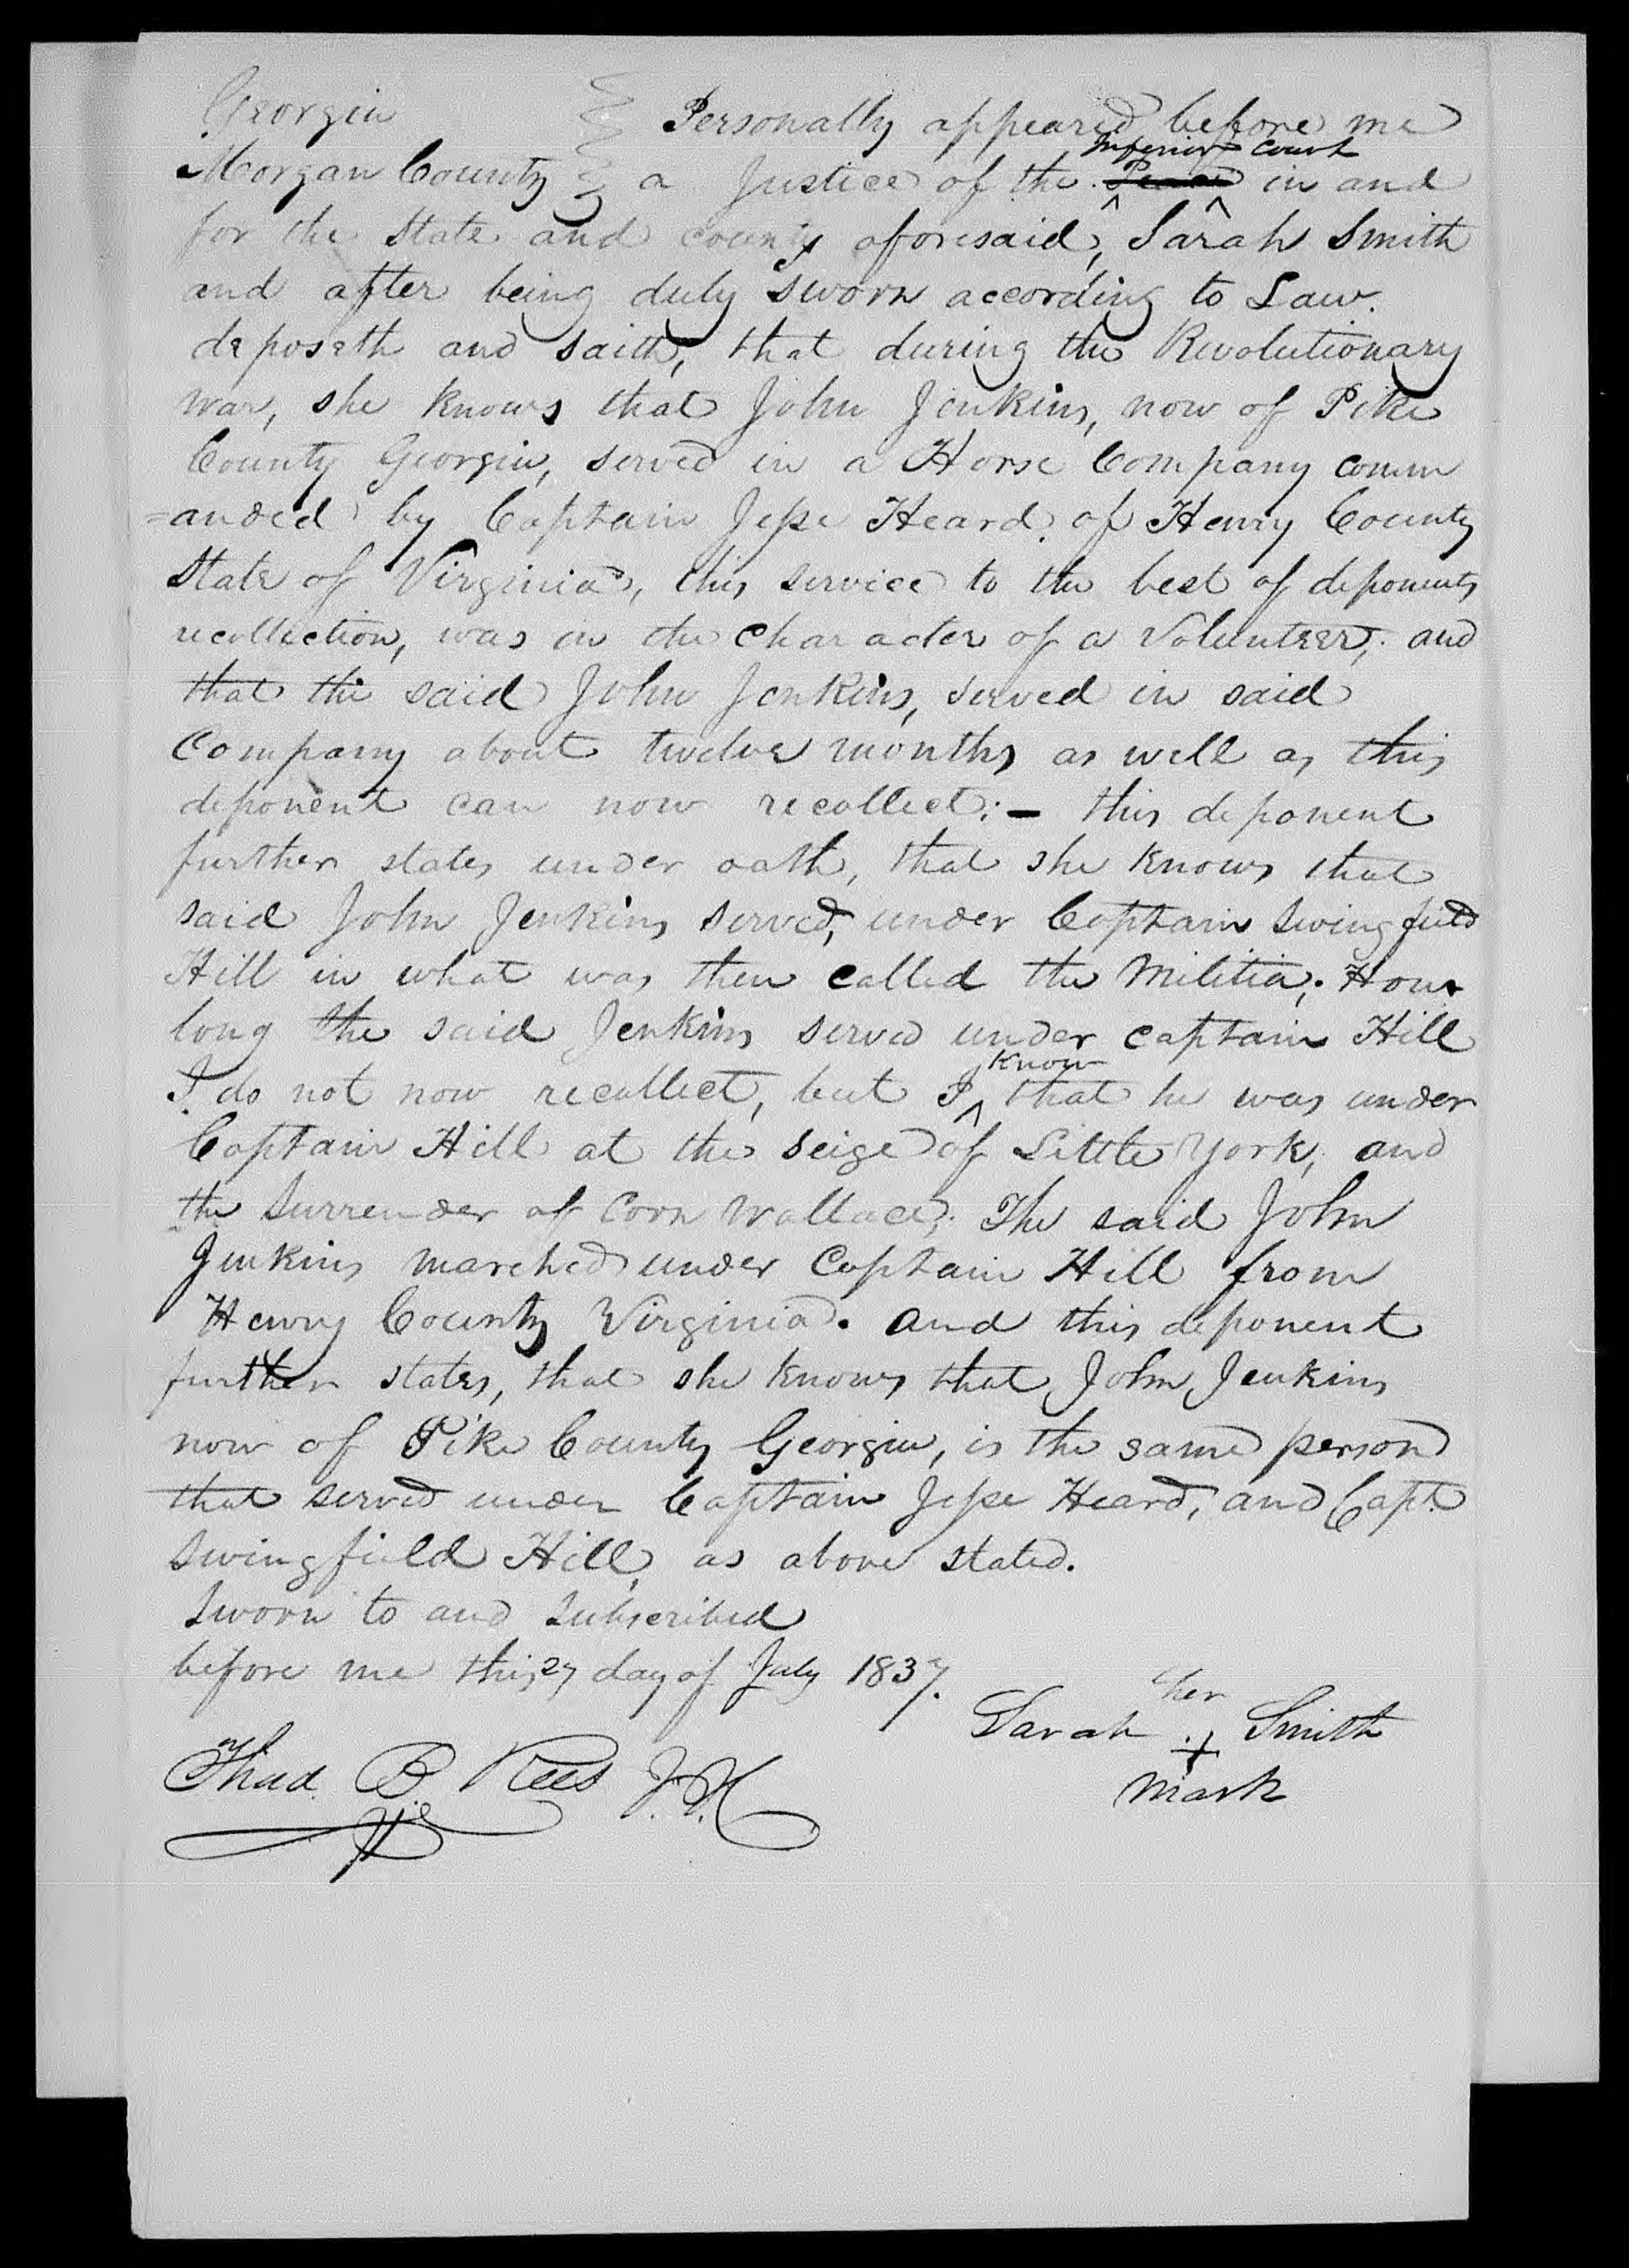Georgia Morgan County
Personally appeared before me a Justice of the Inferior Court in and for the State and County aforesaid, Sarah Smith and after being duly sworn according to Law deposeth and saith, that during the Revolutionary War, she knows that John Jenkins, now of Pike County Georgia, served in a Horse Company commanded by Captain Jesse Heard of Henry County State of Virginia, this service to the best of deponents
recollection, was on the character of a Volunteer; and that the said John Jenkins, served in said Company about twelve months as well as this deponent can now recollect; - this deponent further states under oath, that she knows that said John Jenkins served, under Captain Swingfield [Swinfield] Hill in what was then called the Militia; How long the said Jenkins served under Captain Hill I do not now recollect, but I know that he was under Captain Hill at the Seige [Siege] of Little York, and the surrender of Corn Wallace, [Cornwallis] The said John Jenkins marched under Captain Hill from Henry County Virginia. And this deponent
further states, that she knows that John Jenkins
now of Pike County Georgia, is the same person that served under Captain Jesse Heard, and Capt. Swingfield [Swinfield] Hill as above stated.
Sarah Smith X her mark
Sworn to and subscribed
before me this 27 day of July 1837.
Thad B. Rees J.I.C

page: 45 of 55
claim: widow's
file: W. 7894, for John Jenkins, Virginia